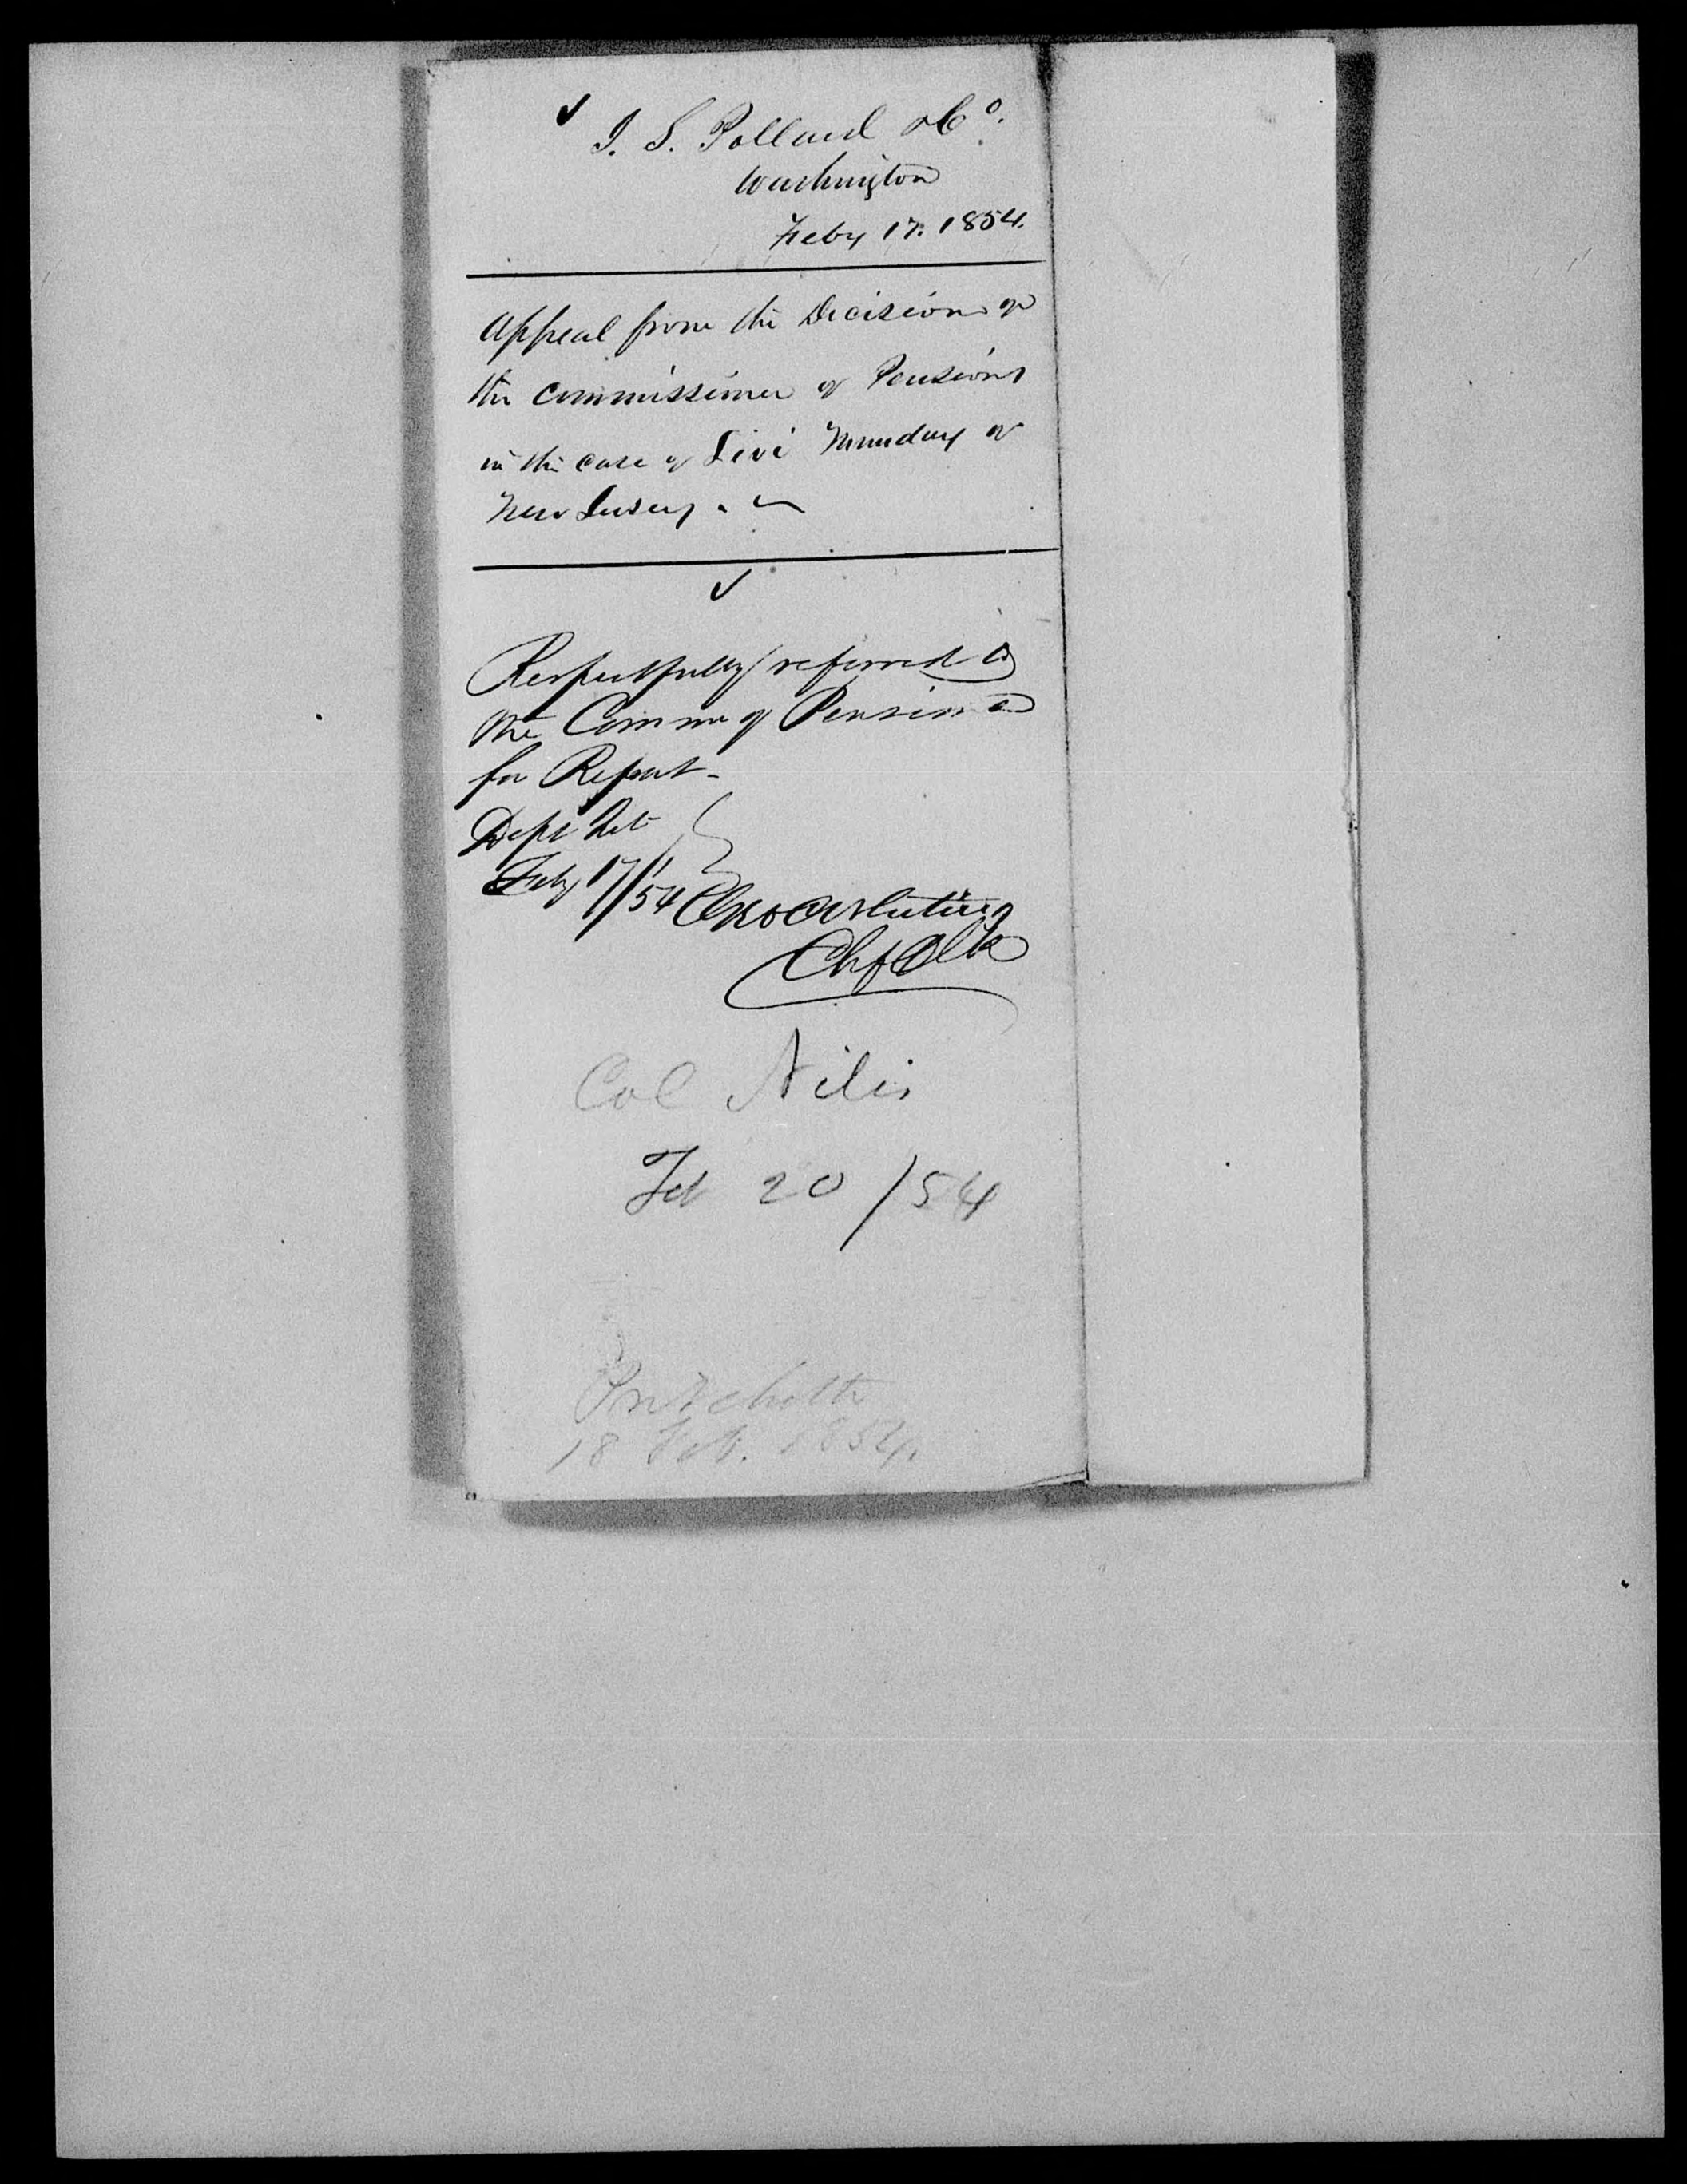J.S. Pollard & Co., Washington, Feb. 17, 1854.

Appeal from the decision of the Commissioner of Pensions in the case of Levi Munday of New Jersey.

Respectfully referred to the Com(missioner) of Pensions for report.

Deponent Feb. 17/'54 [illegible]

Col. Niles, Feb. 20/'54

[illegible], 18 Feb. 1854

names: J S Pollard; [BLANK] Nilis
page: 24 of 95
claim: survivor's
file: S 2889, for Levi Mundy, New Jersey